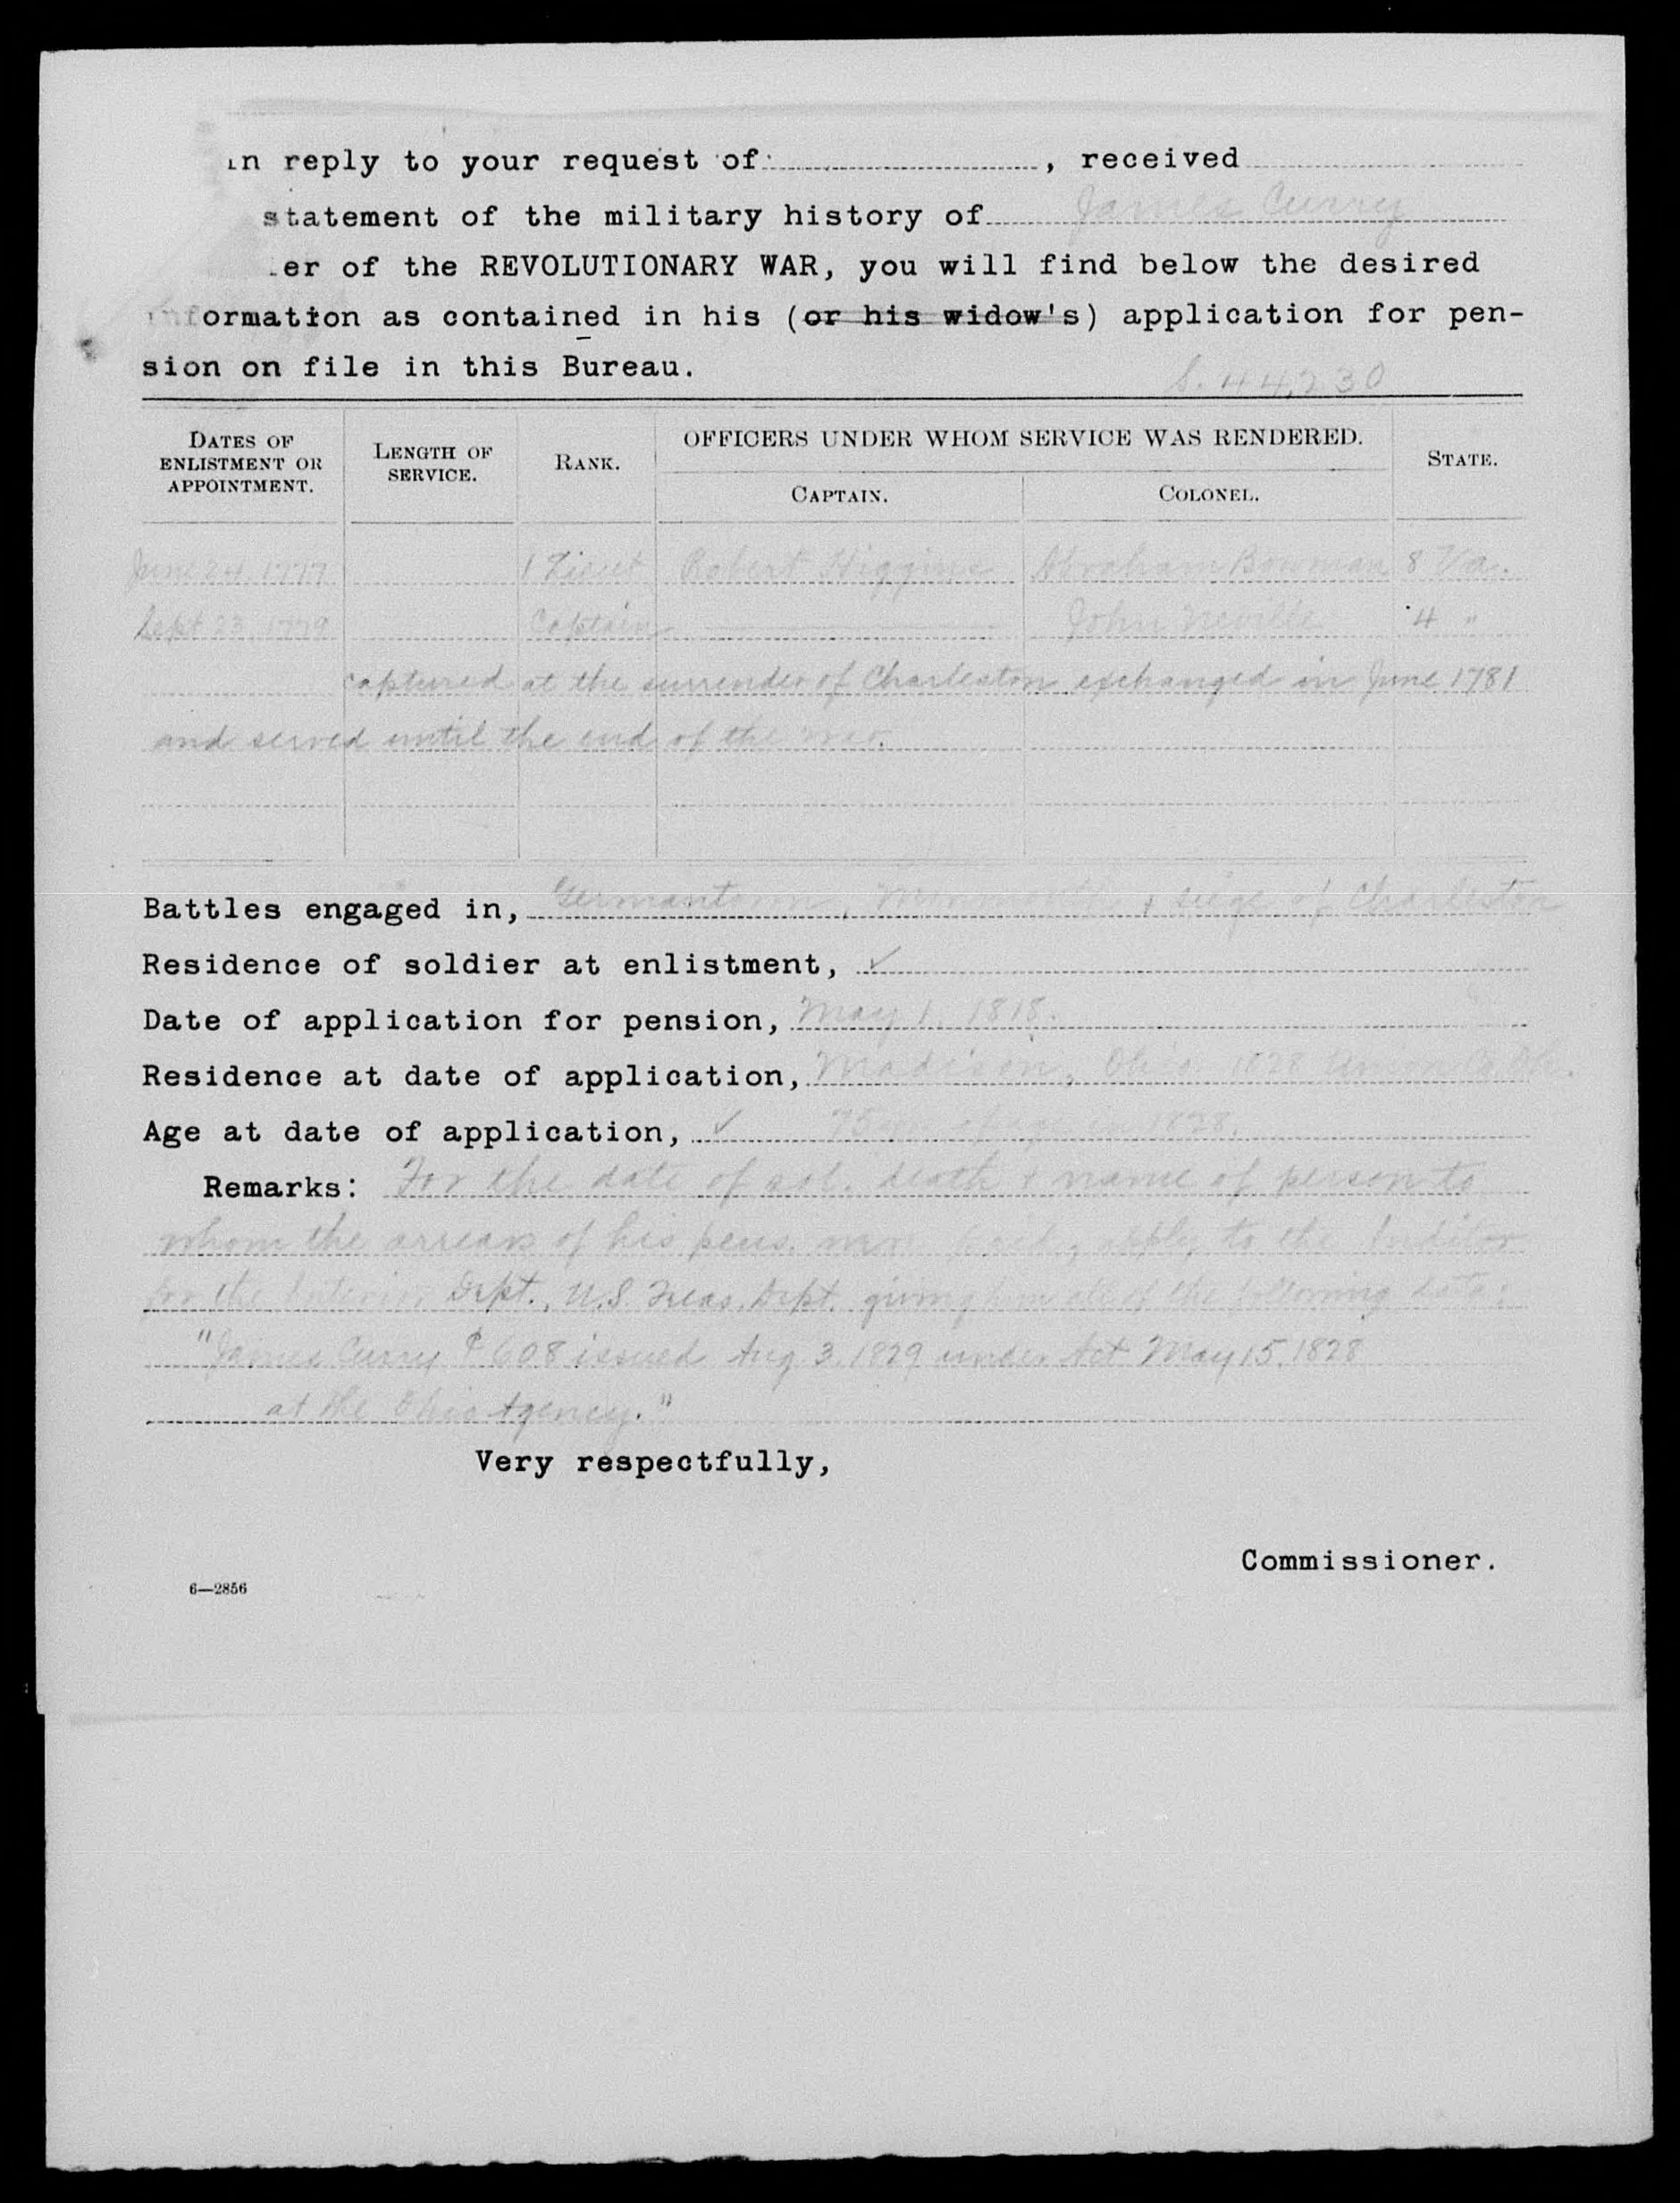in reply to your request of [illegible]
received [illegible]
statement of the military history of
James Curry
[???]er of the REVOLUTIONARY WAR, you will find below the desired
formation as contained in his (or his widow's) [crossed out] application for pension
on file in this Bureau.
S.44,230
DATES OF ENLISTMENT OR APPOINTMENT.
June 24, 1777
LENGTH OF SERVICE.
RANK.     1 Lieut
OFFICERS UNDER WHOM SERVICE WAS RENDERED
CAPTAIN.  Robert Higgins
COLONEL.  Abraham Bowman
STATE.  8 Va.

DATES OF ENLISTMENT OR APPOINTMENT.
Sept 23, 1779
LENGTH OF SERVICE.
RANK.    Captain
OFFICERS UNDER WHOM SERVICE WAS RENDERED
CAPTAIN.  [illegible]
COLONEL.  John Neville
STATE.  4  "[Va].

captured at the surrender of Charleston exchanged in June 1781, and served until the end of the war.
Battles engaged in, Germantown, Monmouth & the siege of Charleston
Residence of soldier at enlistment, 
Date of application for pension, May 1, 1818.
Residence at date of application, Madison, Ohio  1628  Union Co. Oh.
Age at date of application, 75 yrs of age in 1828
Remarks: For the date of [illegible] death & name of person to
whom the arrears of his pens. [illegible] [illegible] apply to the [illegible]
for the Interior Dept., U.S. Treas. Dept giving him all of the following [illegible]
James Curry [illegible] 608 issued Aug. 3 1829 under Act May 15, 1828
at the Ohio Agency.
Very respectfully,
6 -- 2856
Commissioner.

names: James Curry, John Bealle, Robert Higgins, Abraham Bonnsan, James Curry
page: 32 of 32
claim: survivor's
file: S. 44230, James Curry, Va.